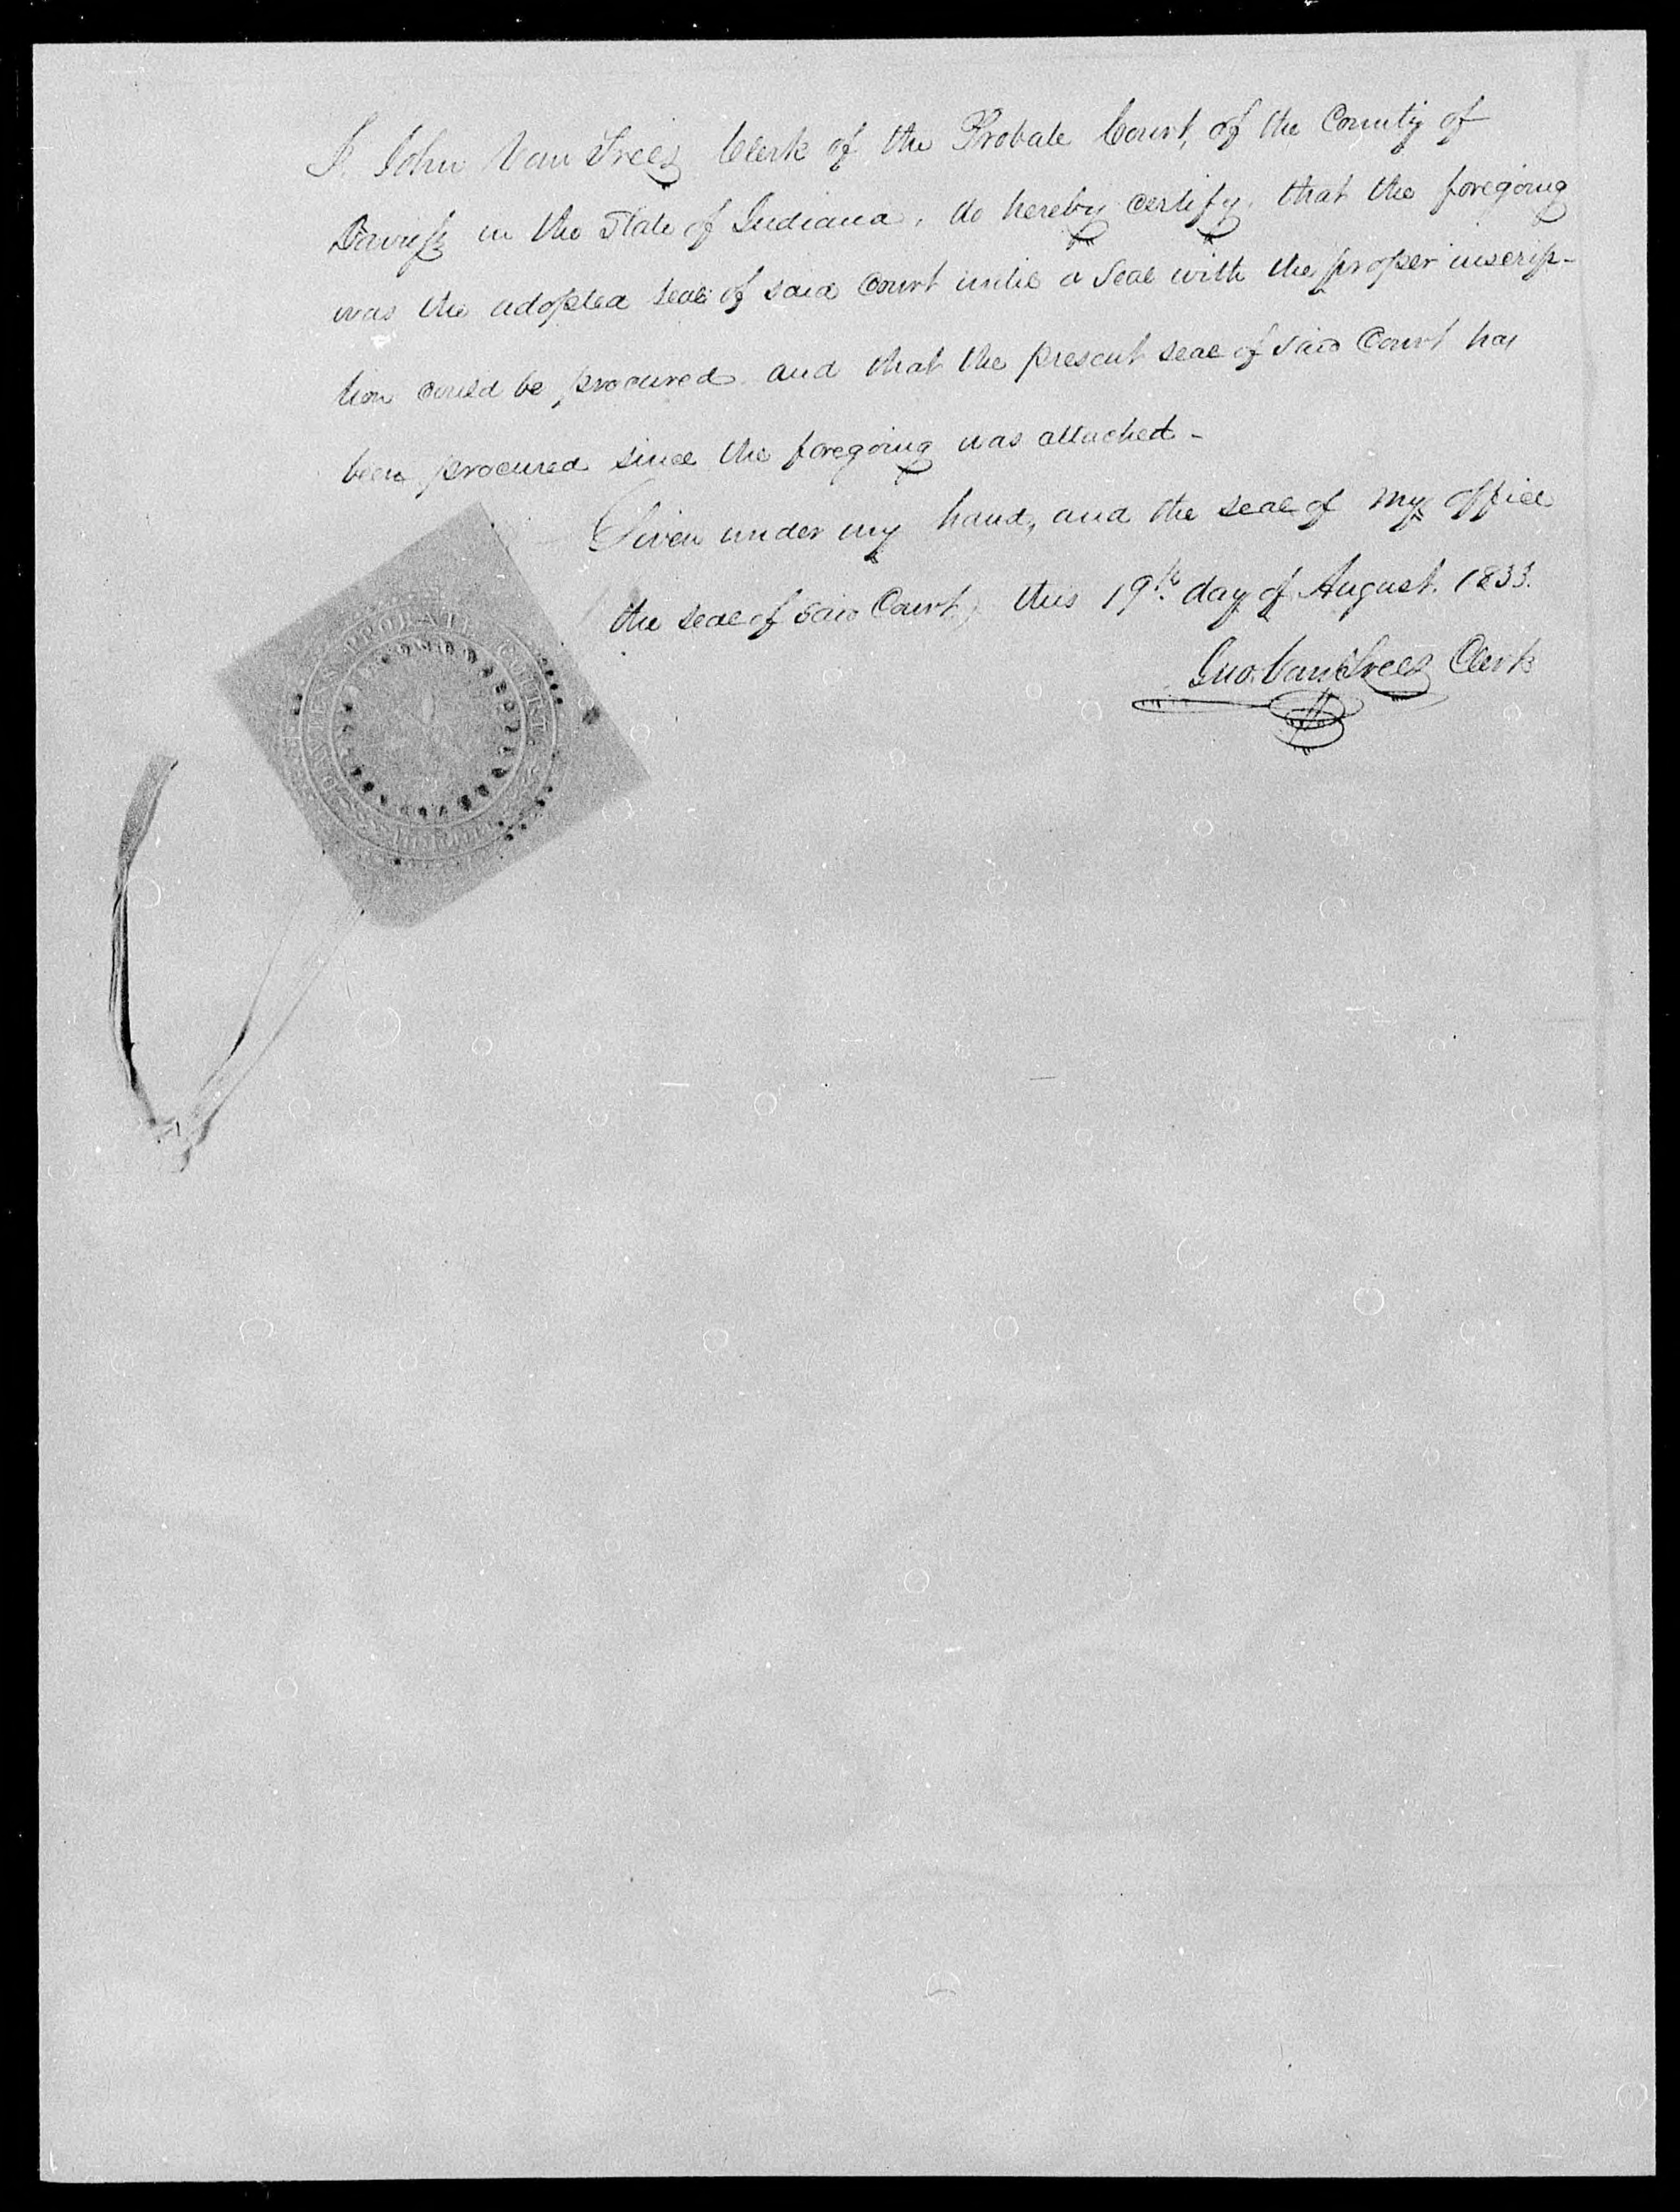I, John Van Trees Clerk of the Probate Court, of the County of Daviess in the State of Indiana, do hereby certify, that the foregoing was the adopted seal of said Court until a Seal with the proper inscription could be procured and that the present seal of said Court has been procured since the foregoing was attached.
Given under my hand, and the seal of my office the seal of said Court this 19th day of August 1833.
Jno Van Trees Clerk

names: John Van Trees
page: 85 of 115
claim: survivor's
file: S. 699, for Charles Kilgore, Virginia